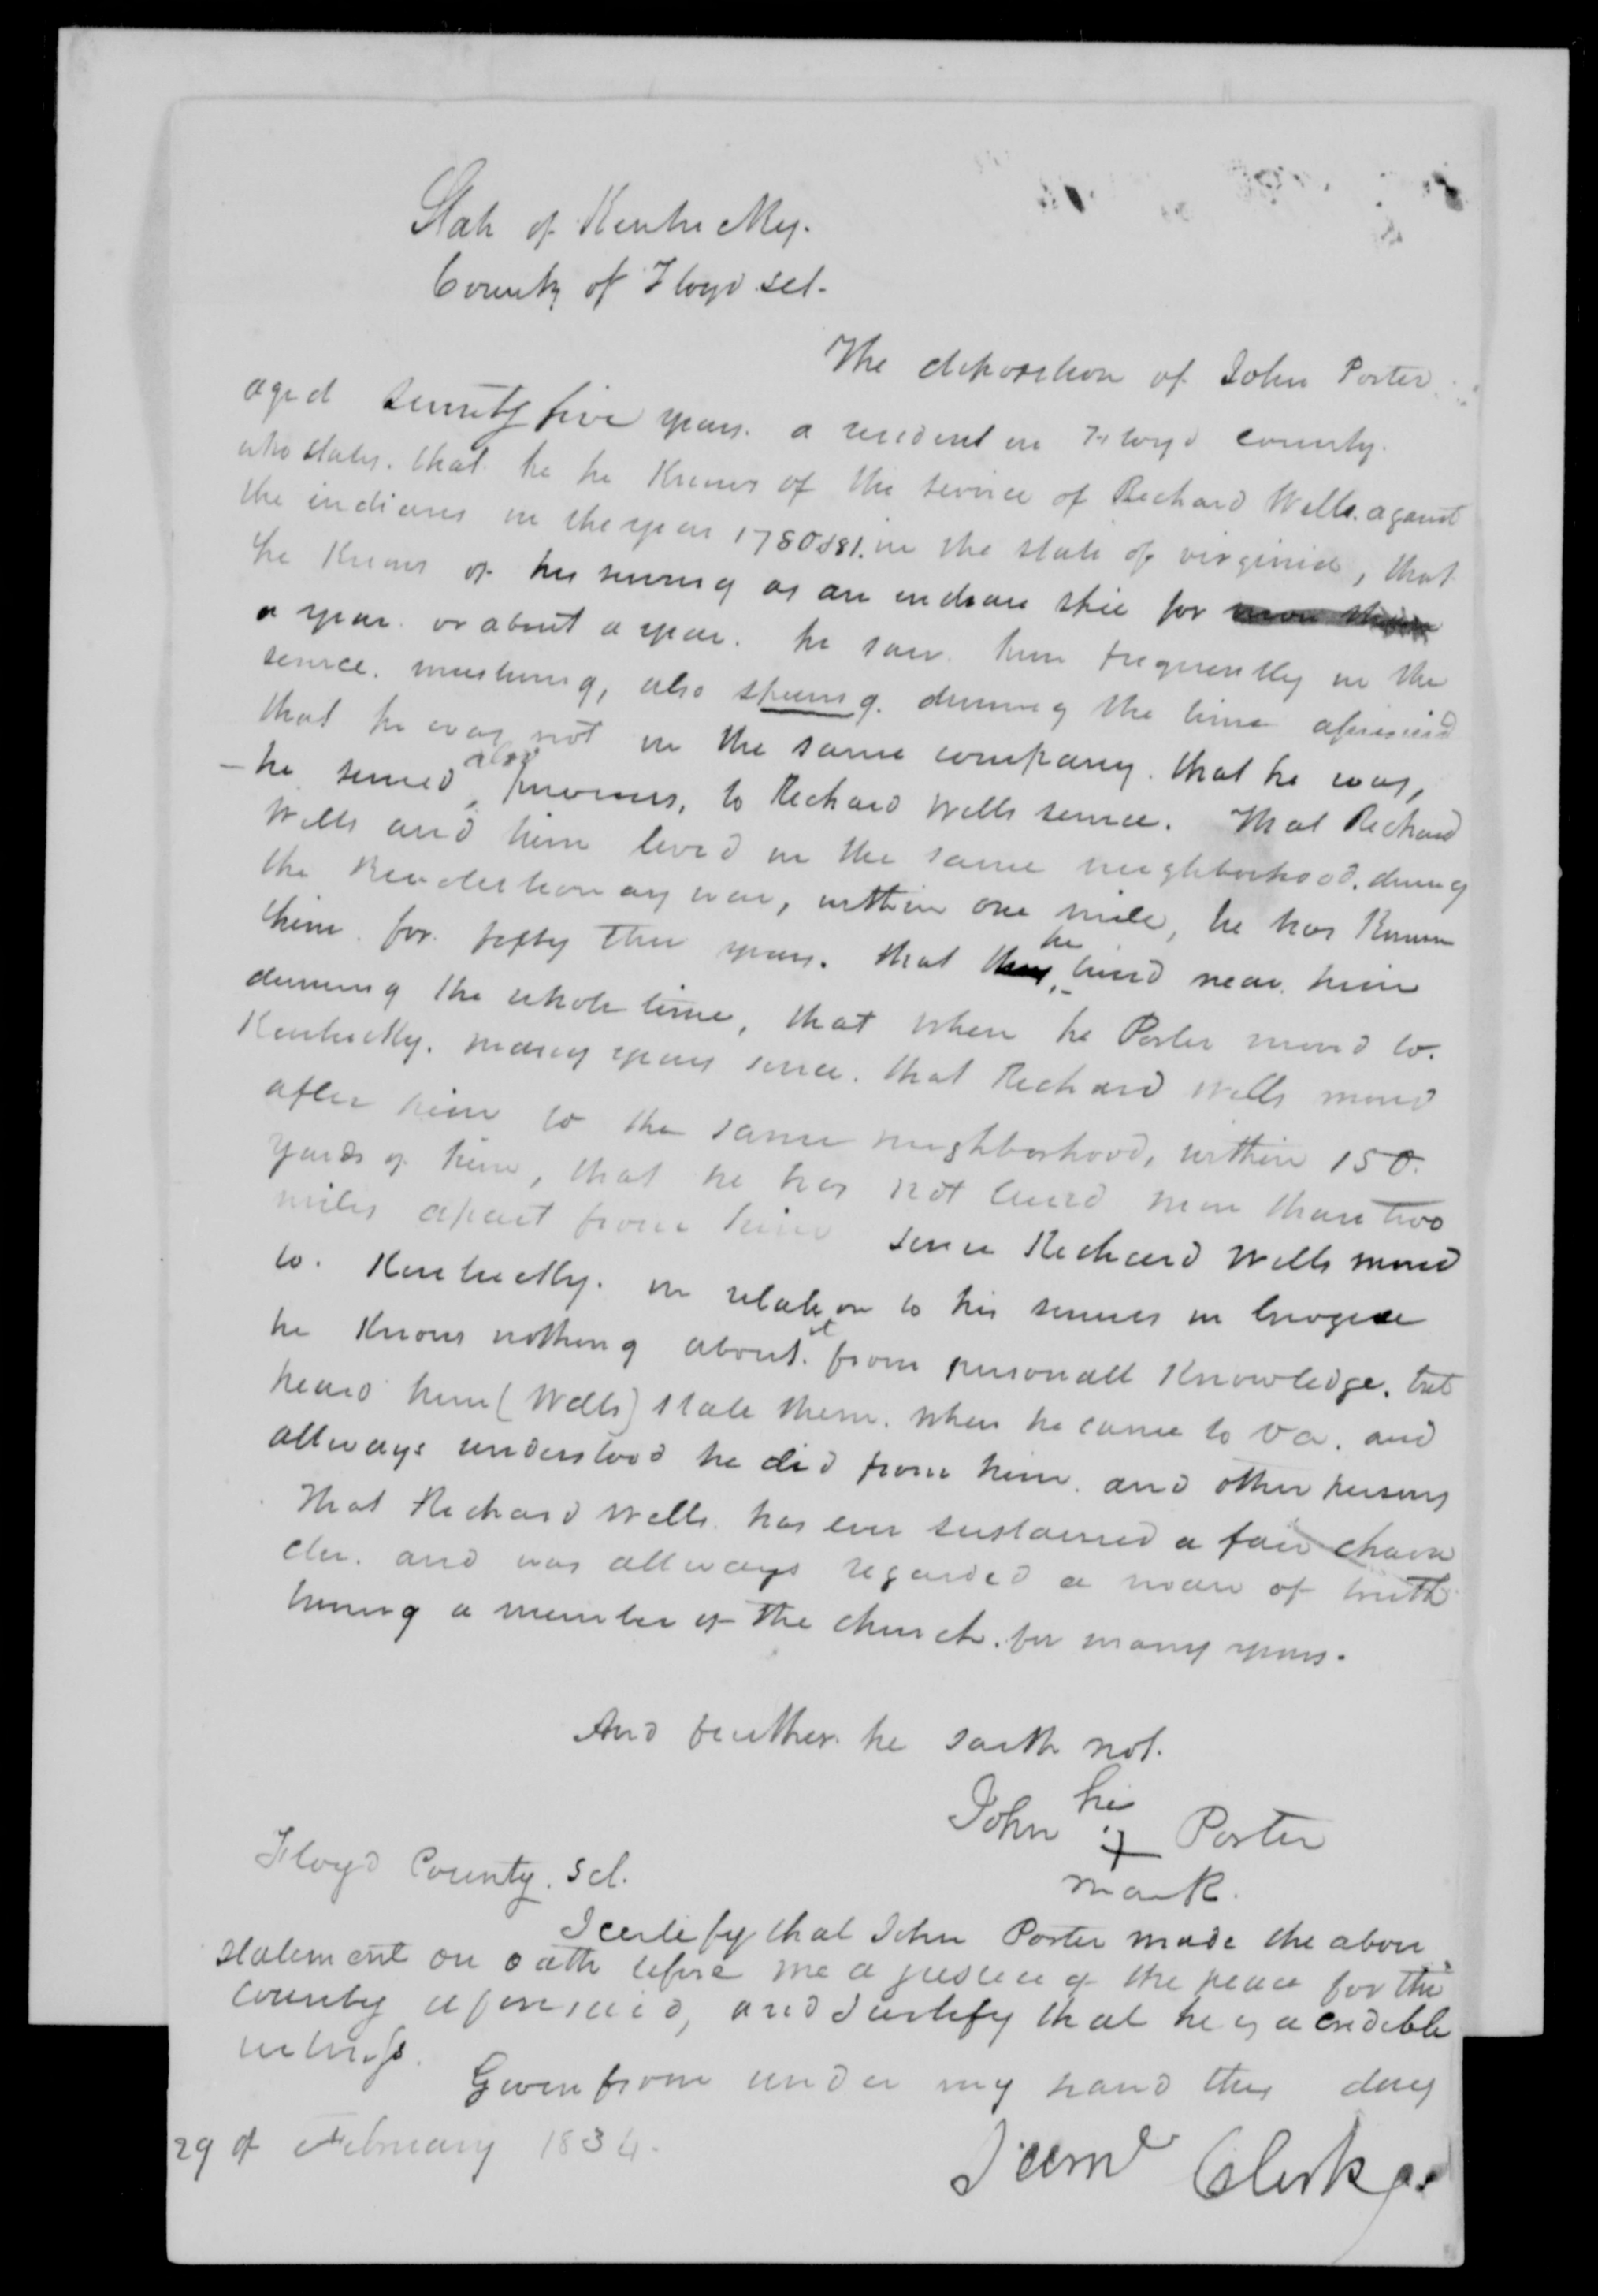State of Kentucky
County of Floyd Set
The deposition of John Porter
aged seventy five years a resident in Floyd County
who states that he has known of the service of Richard Wells against
the Indians in the year 1780&81 in the State of Virginia, that he knows of her ? as an ? ? for
year or about a year. He saw him frequently in the service. mustering, also spying during the time aforesaid
that he was not in the same company that he was
he served also knowns(?) to Richard Will service. That Richard
Wills and him lived in the same neighborhood during the
Revolutionary war, within one mile, he has known him for fifty three years. that he and he lived near him during the whole time, that when he Porter moved to
Kentucky, many years since, that Richard Wills moved after him to the same neighborhood, within 150
yards of him, that he has not lived more than two miles apart from him
since Richard Wills moved to Kentucky, in relation to his service in ?
he knows nothing about it from personal knowledge, but
heard him (Wills) state them, when he came to Va. and
allways understood he did from him and other persons
that Richard Wells has ever sustained a fair chainder(?) and was all ways regarded a man of truth
being a member of the church, for many years.
And further he saith not.
X (his mark) John Porter
Floyd County Scl..

I certify that John Porter made the above
statement on oath before me a Justice of the peace for the
County aforesaid, and I certify that he is credible
witness.
Given from under my hand this day
┃ 29 of February 1834-
Saml Clerk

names: Saml Clerke, John Porter, Richard Wells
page: 7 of 100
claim: widow's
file: W. 6437, Richard Wells, Ga Va.